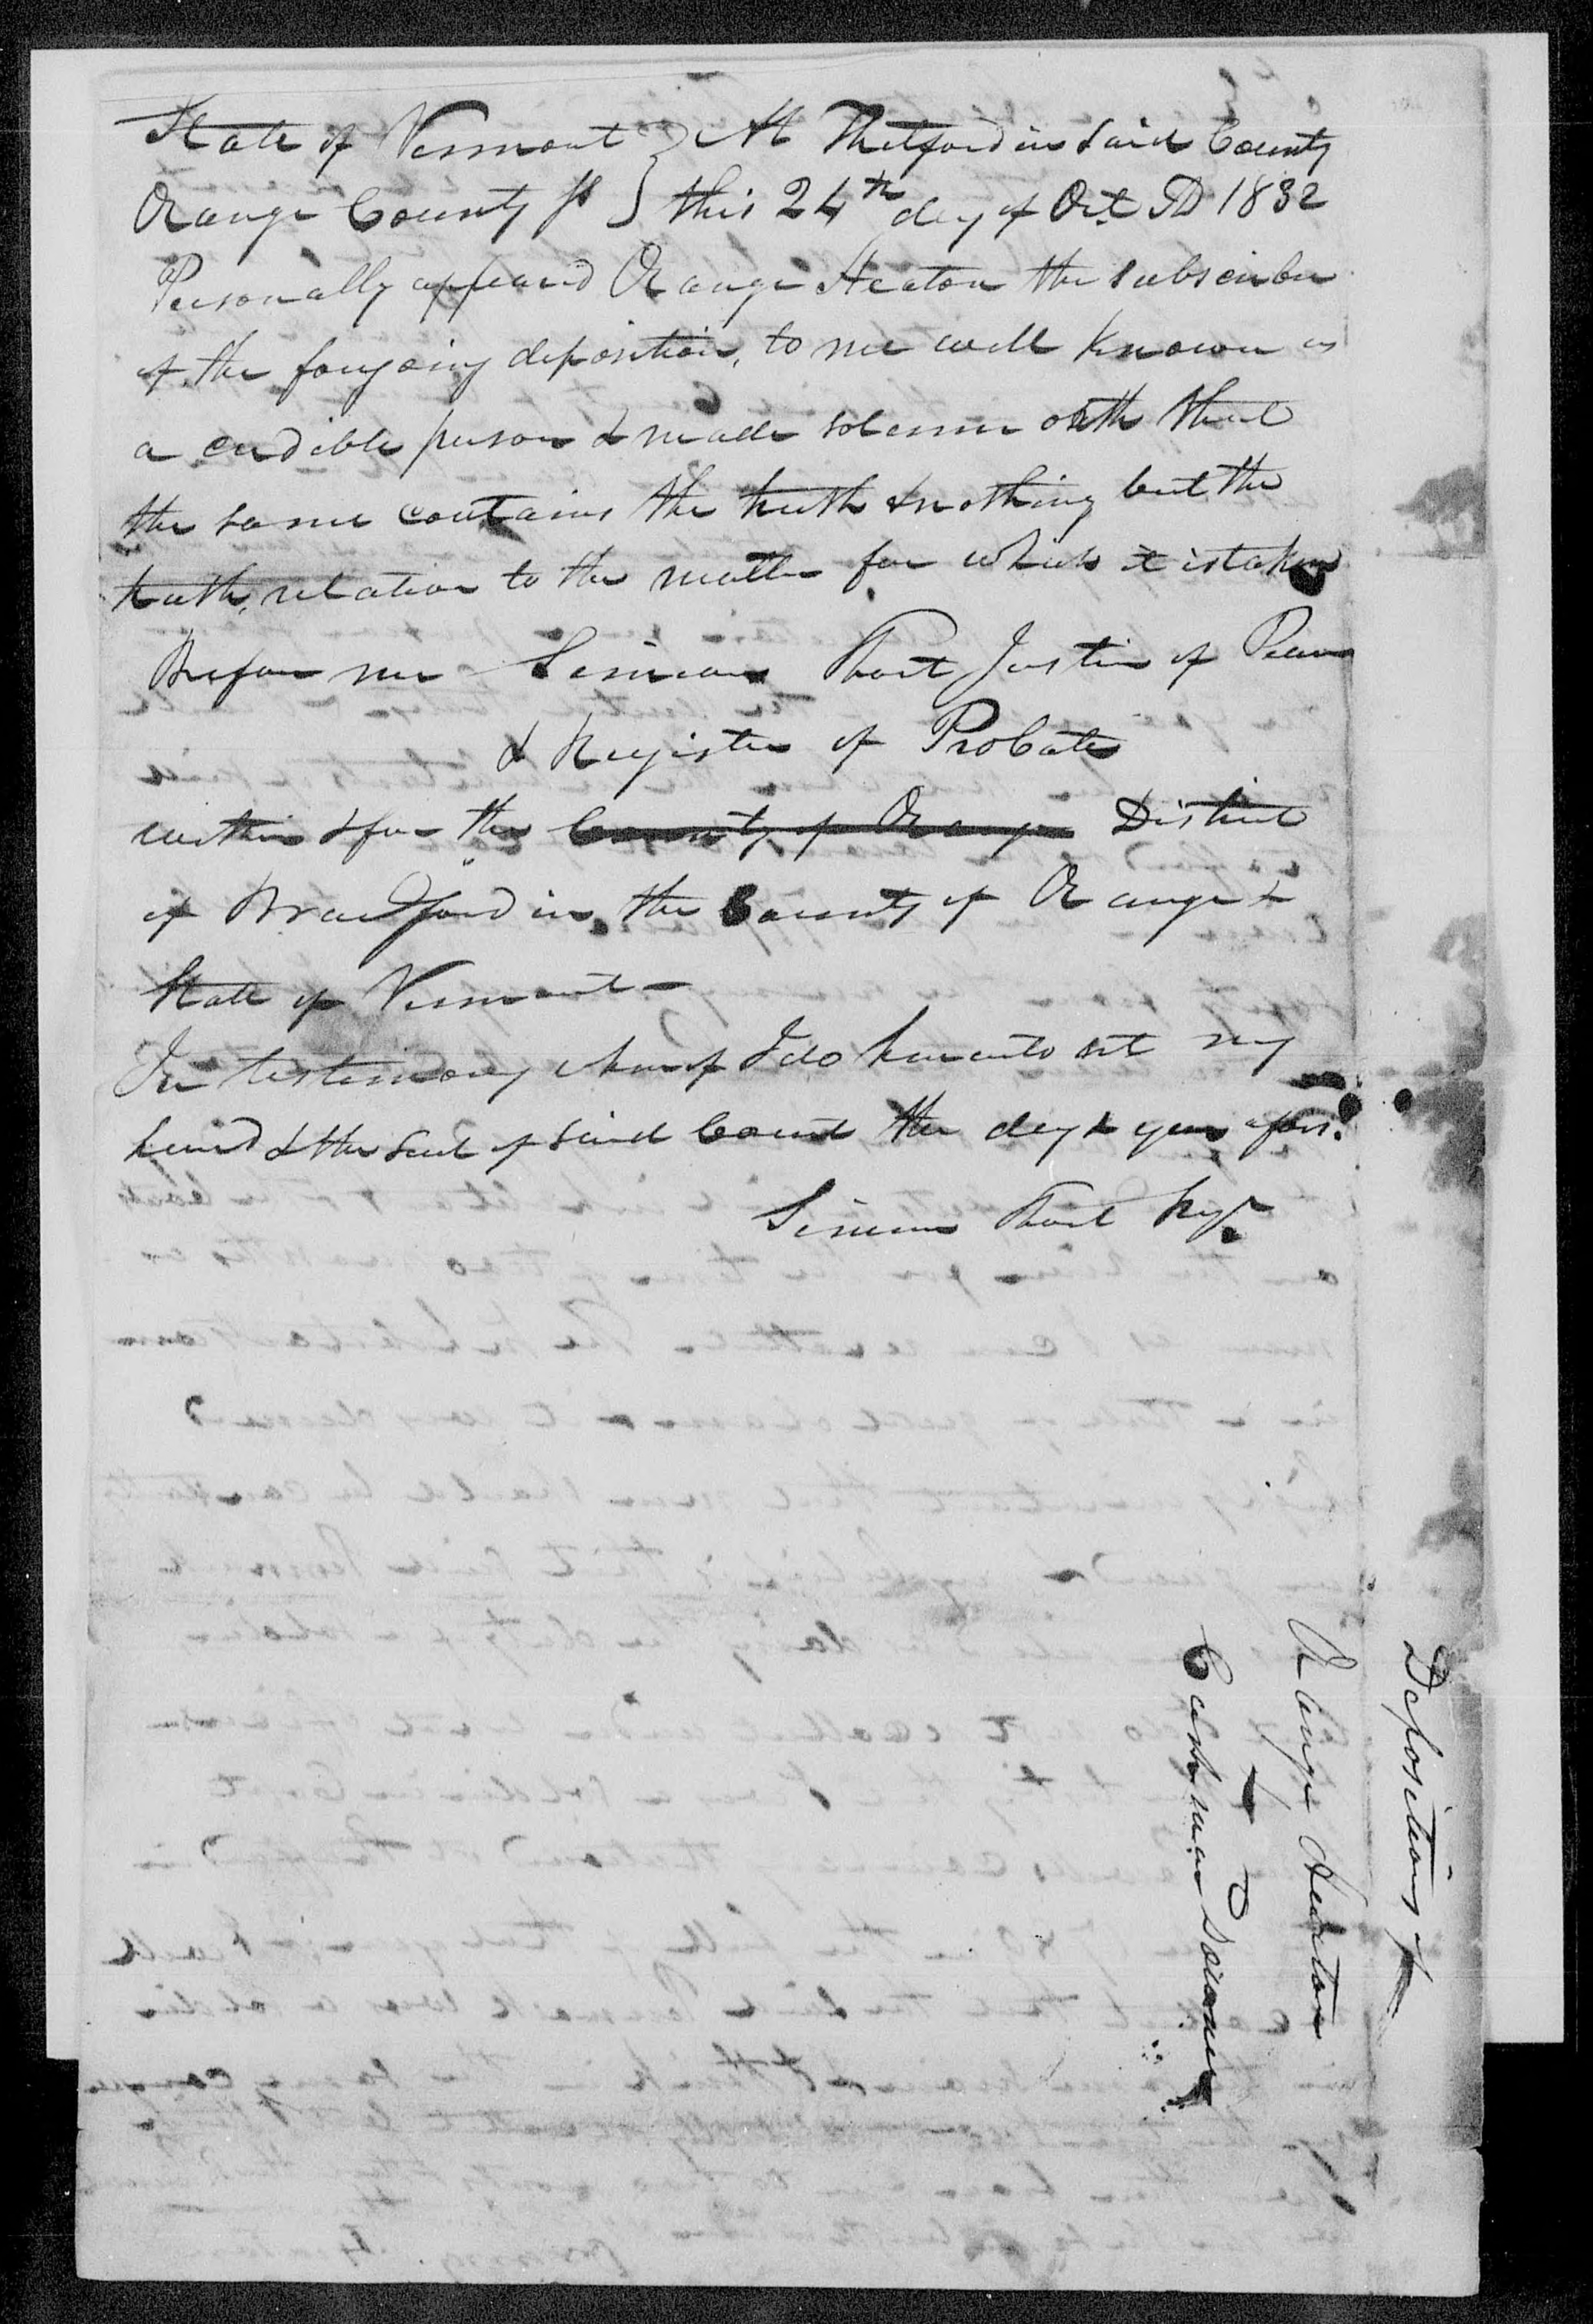State of Vermont
Orange County ss}

At Thetford in said County this 24th day of Oct AD 1832 Personally appeared Orange Heaton the subscriber of the foregoing deposition,  to me well known a credible person & made solemn oath that the same contains the truth & nothing but the truth in relation to this matter for which it is taken

Before me Simeon Short Justice of Peace
& Register of Probate

within and for the district of Windsor in the County of Orange & State of Vermont - 
In testimony thereof I do hereunto set my hand &. the seal of said County this day and year afor.

Simeon Short Esq

[text vertically in lower right corner]

Deposition of
Orange Heaton
& Cushman Downer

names: Orange Heaton; Simeon Short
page: 12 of 12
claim: survivor's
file: S. 18,158, for Haman Pennock, Vermont